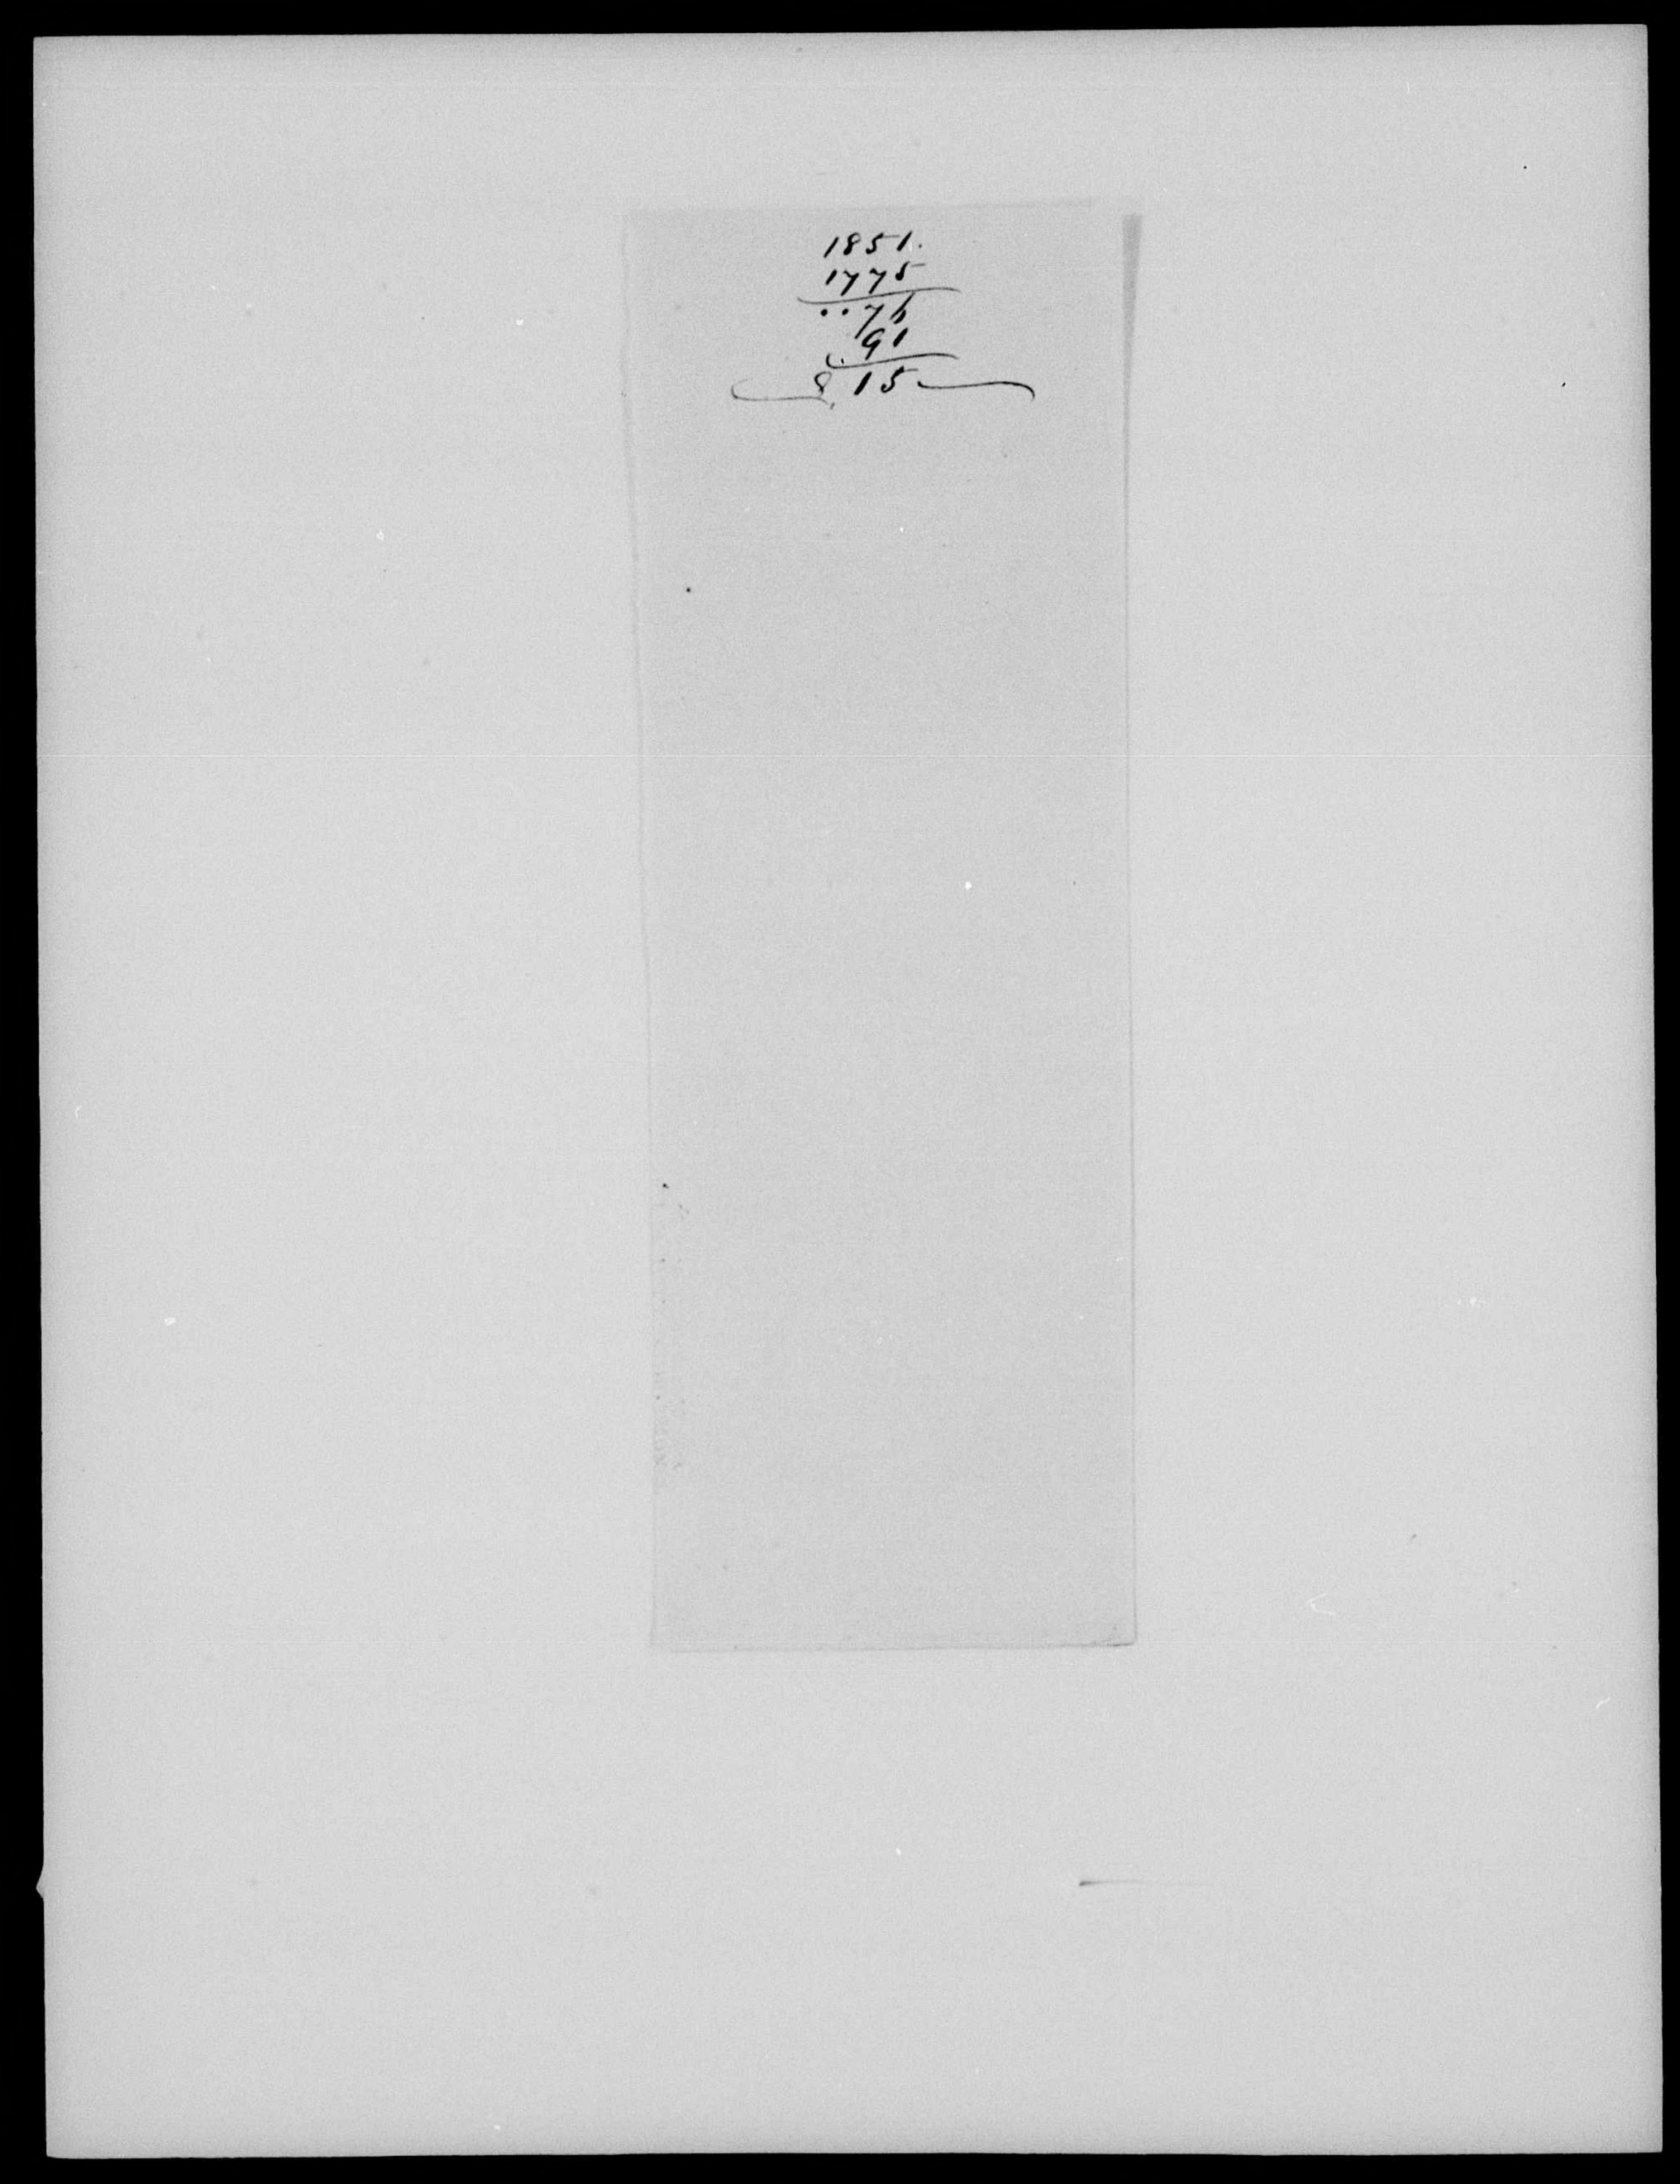1851
1775
_________
.  .  76
     .91
   _____
  8  15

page: 18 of 44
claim: survivor's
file: S. 28,815, for Philip Morris, Rhode Island